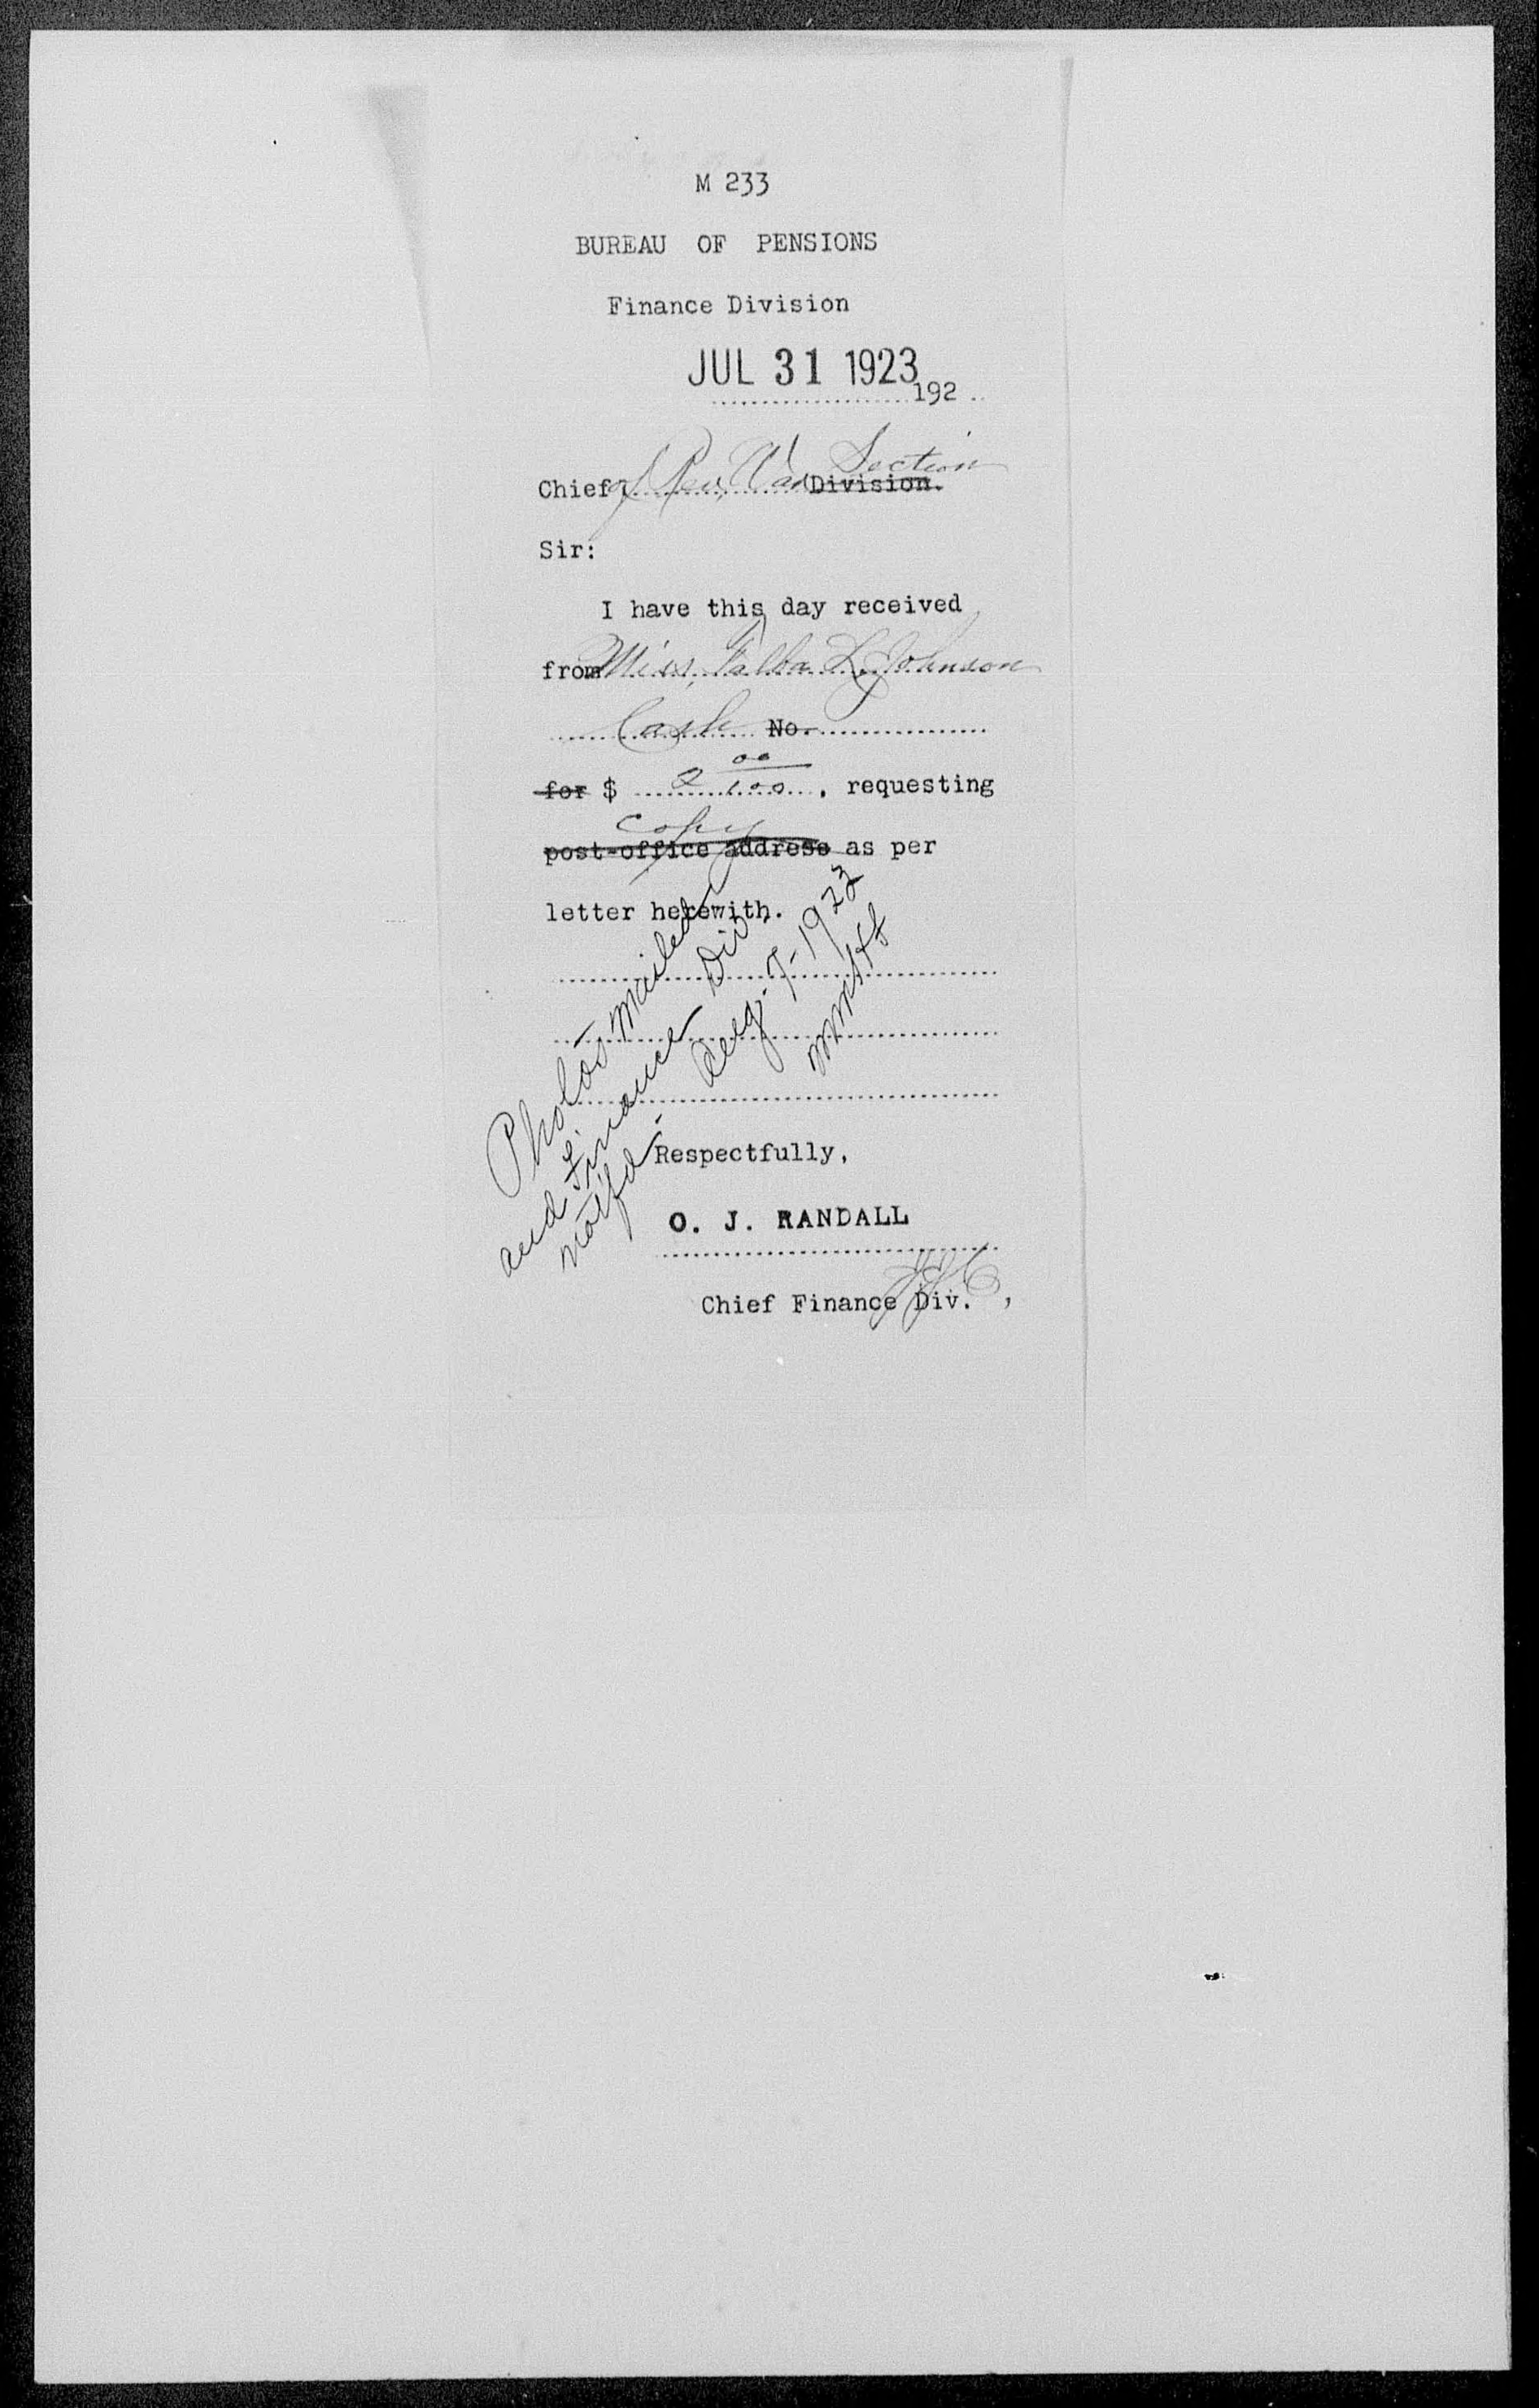M 233

BUREAU OF PENSIONS

Finance Division

JUL 31 1923

Chief of Rev War Section [crossed out: Division]

Sir:
I have this day received 
from Miss Falba L Johnson
Cash [crossed out: No... for...]
$2.00, requesting 
copy [crossed out: post-office address] as per
letter herewith.

Photos mailed and Finance Div. notified. Aug 7 1922

Respectfully,
O. J. RANDALL

Chief Finance Div.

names: Falba L Johnson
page: 25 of 35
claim: survivor's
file: S. 32092, Asa Alexander, Ga.